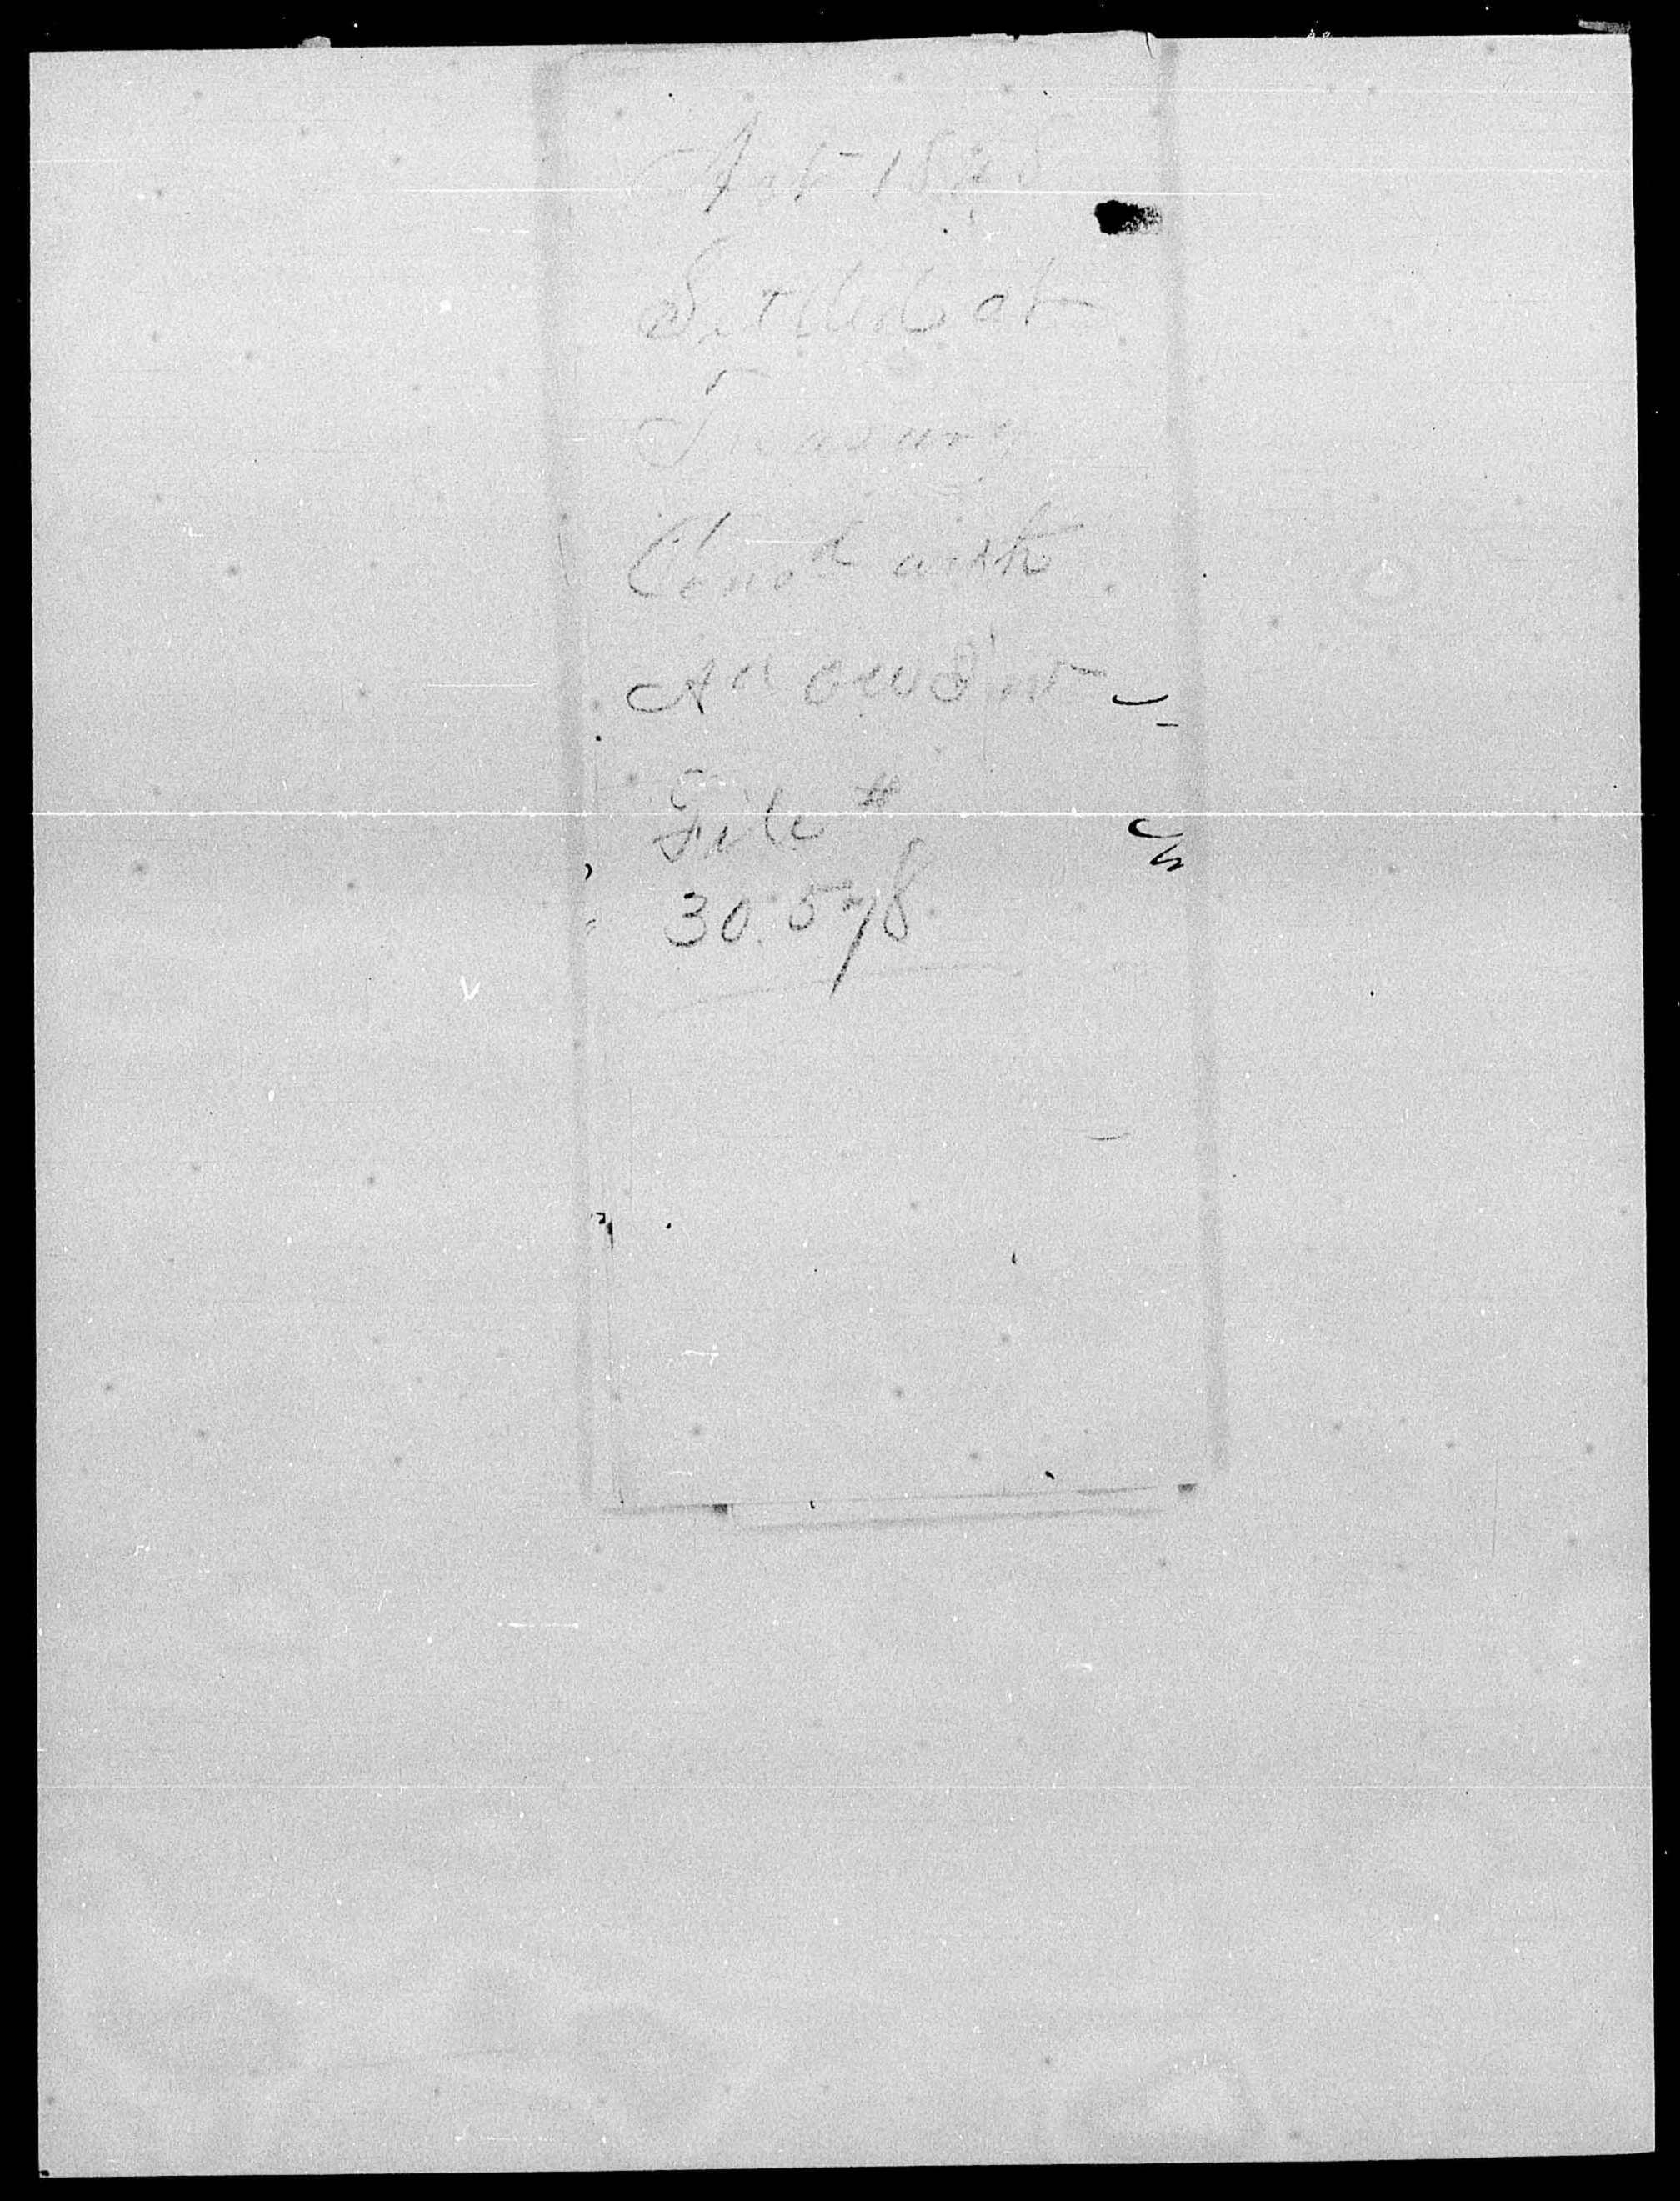Act 1848
Settled at Treasury
Recd with
Ad auditor
File &
30.578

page: 26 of 47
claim: survivor's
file: S. 30578, for John Mc Dowell, Virginia